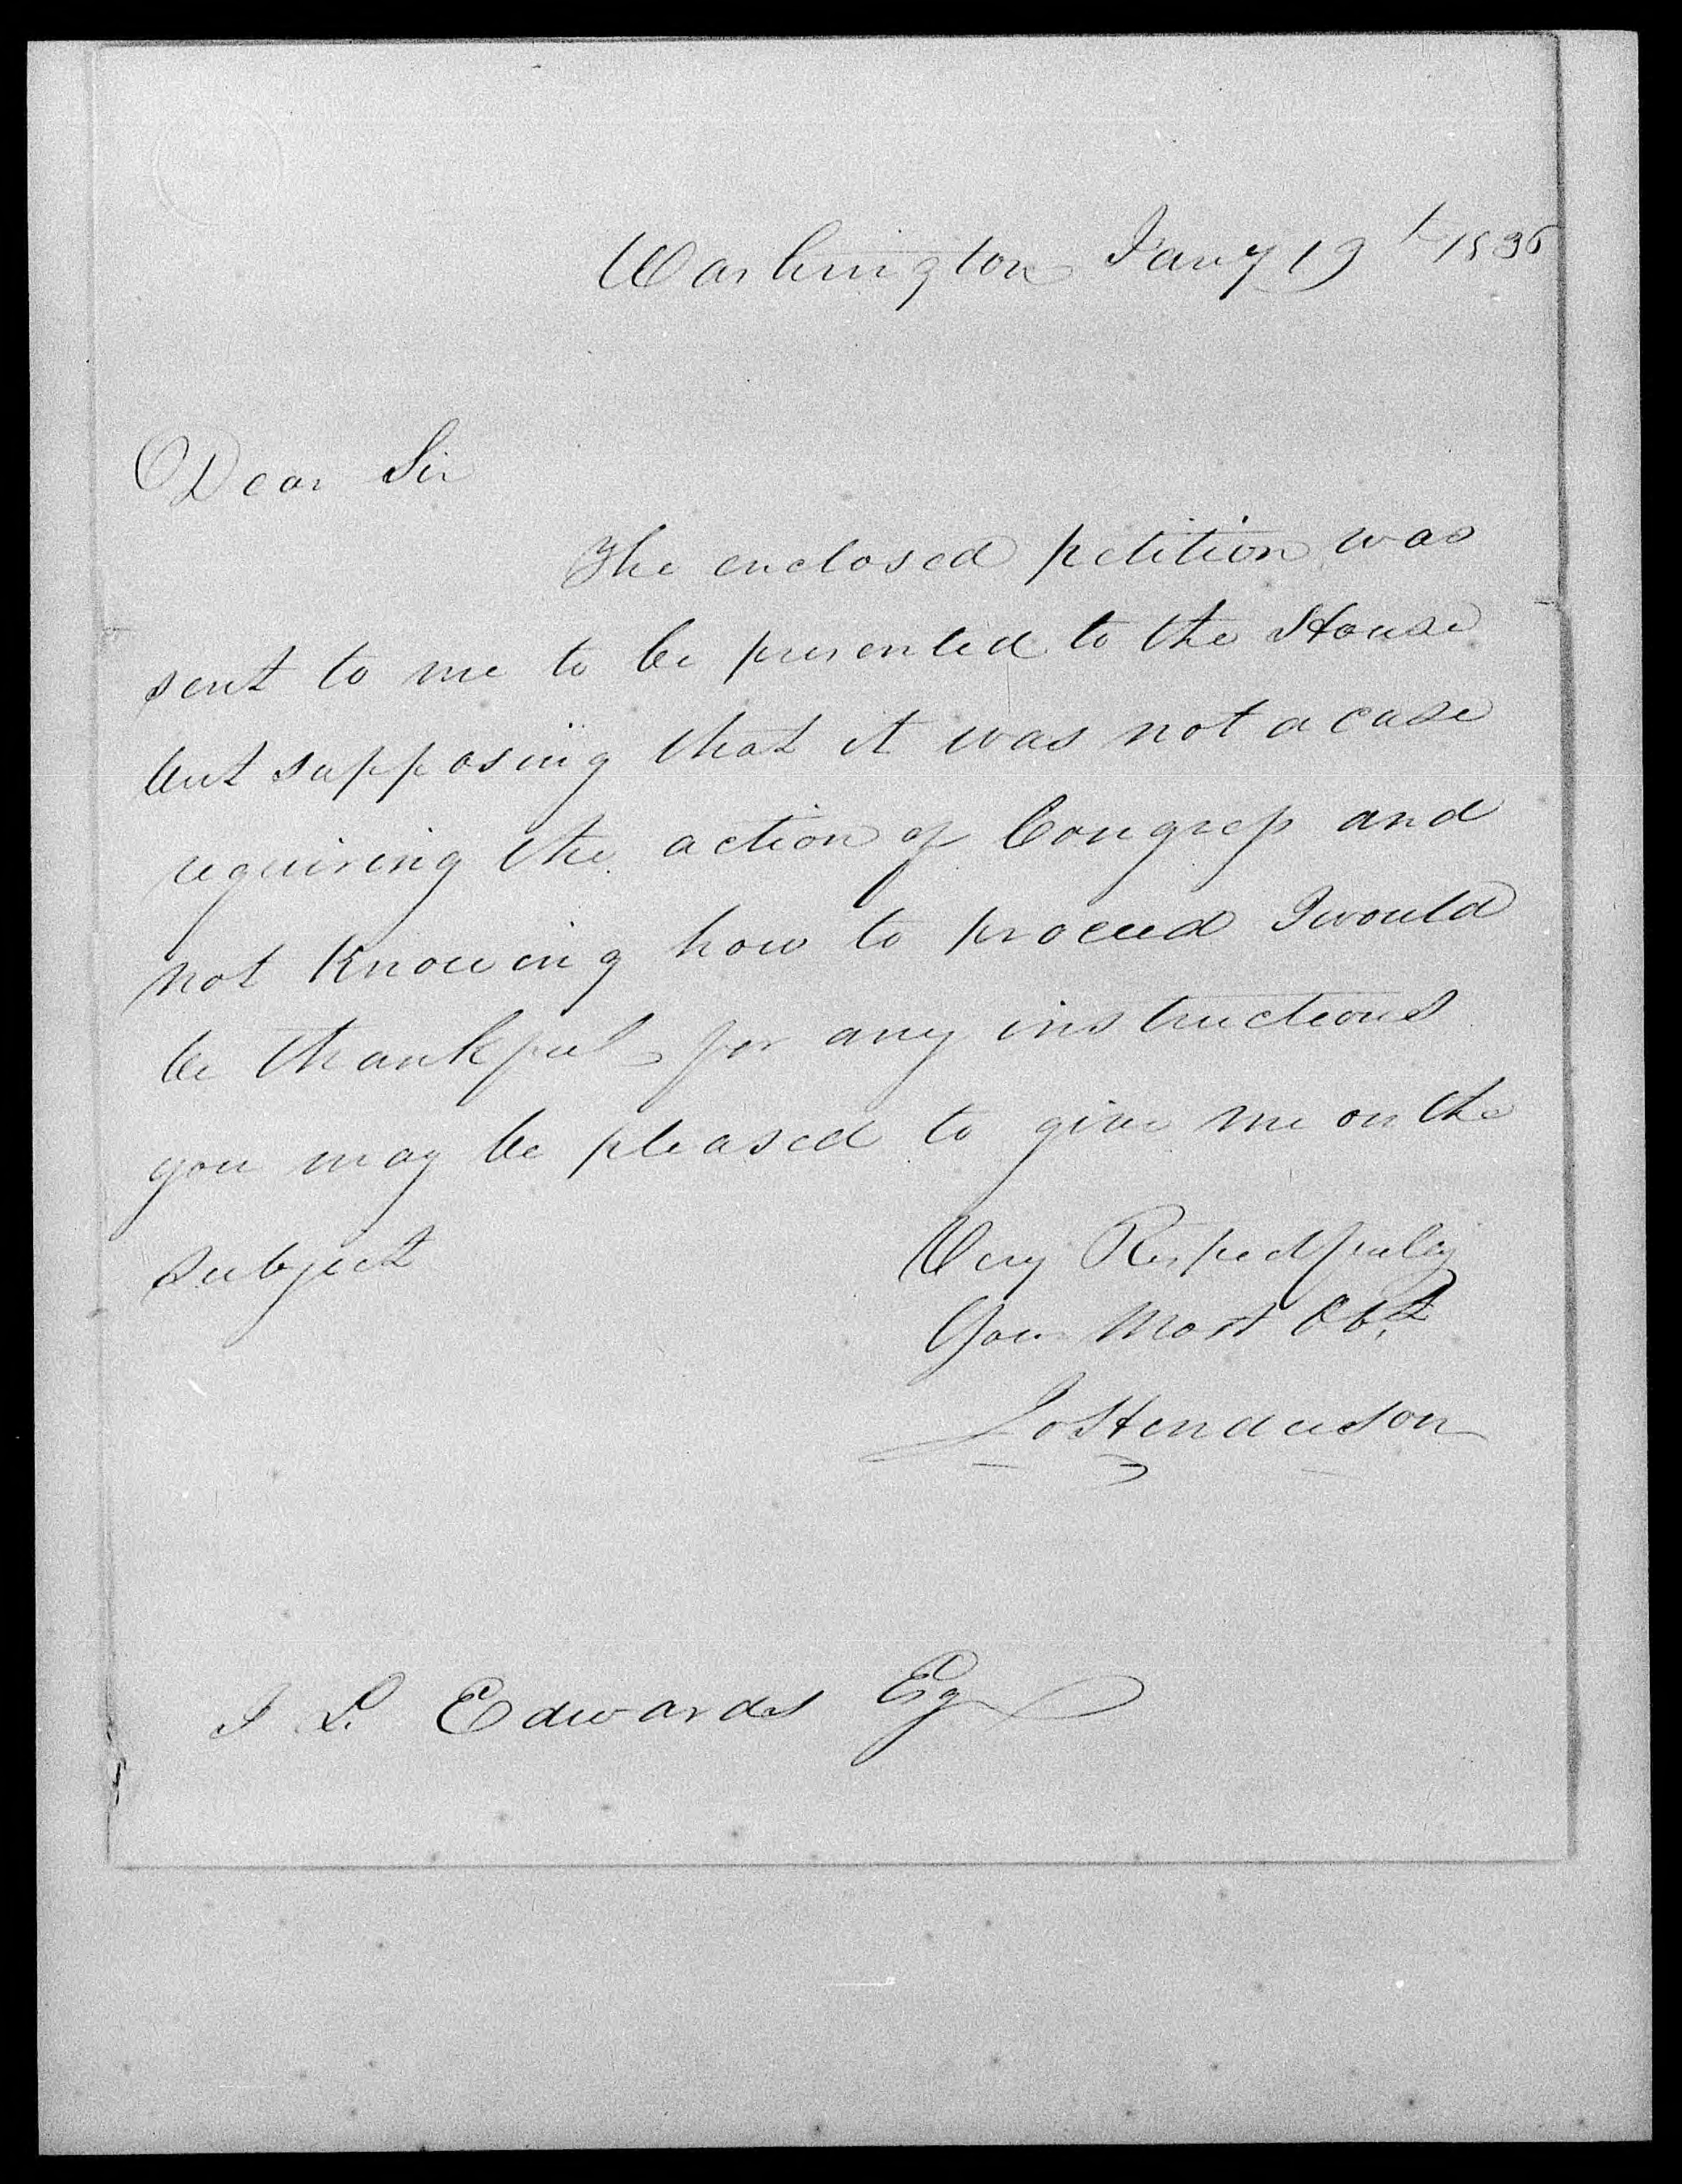Washington Jany 19 1835

Dear Sir

The enclosed petition was sent to me to be presented to the House but supposing that it was not a case requiring the action of Congress and not knowing how to proceed I would
be thankful for any instructions you may be pleased to give me on the subject.
Very Respectfully
Your most obt
Jos. Henderson

J.L. Edwards, Esq.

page: 12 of 24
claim: survivor's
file: S. 13810, for William Lytle, New York